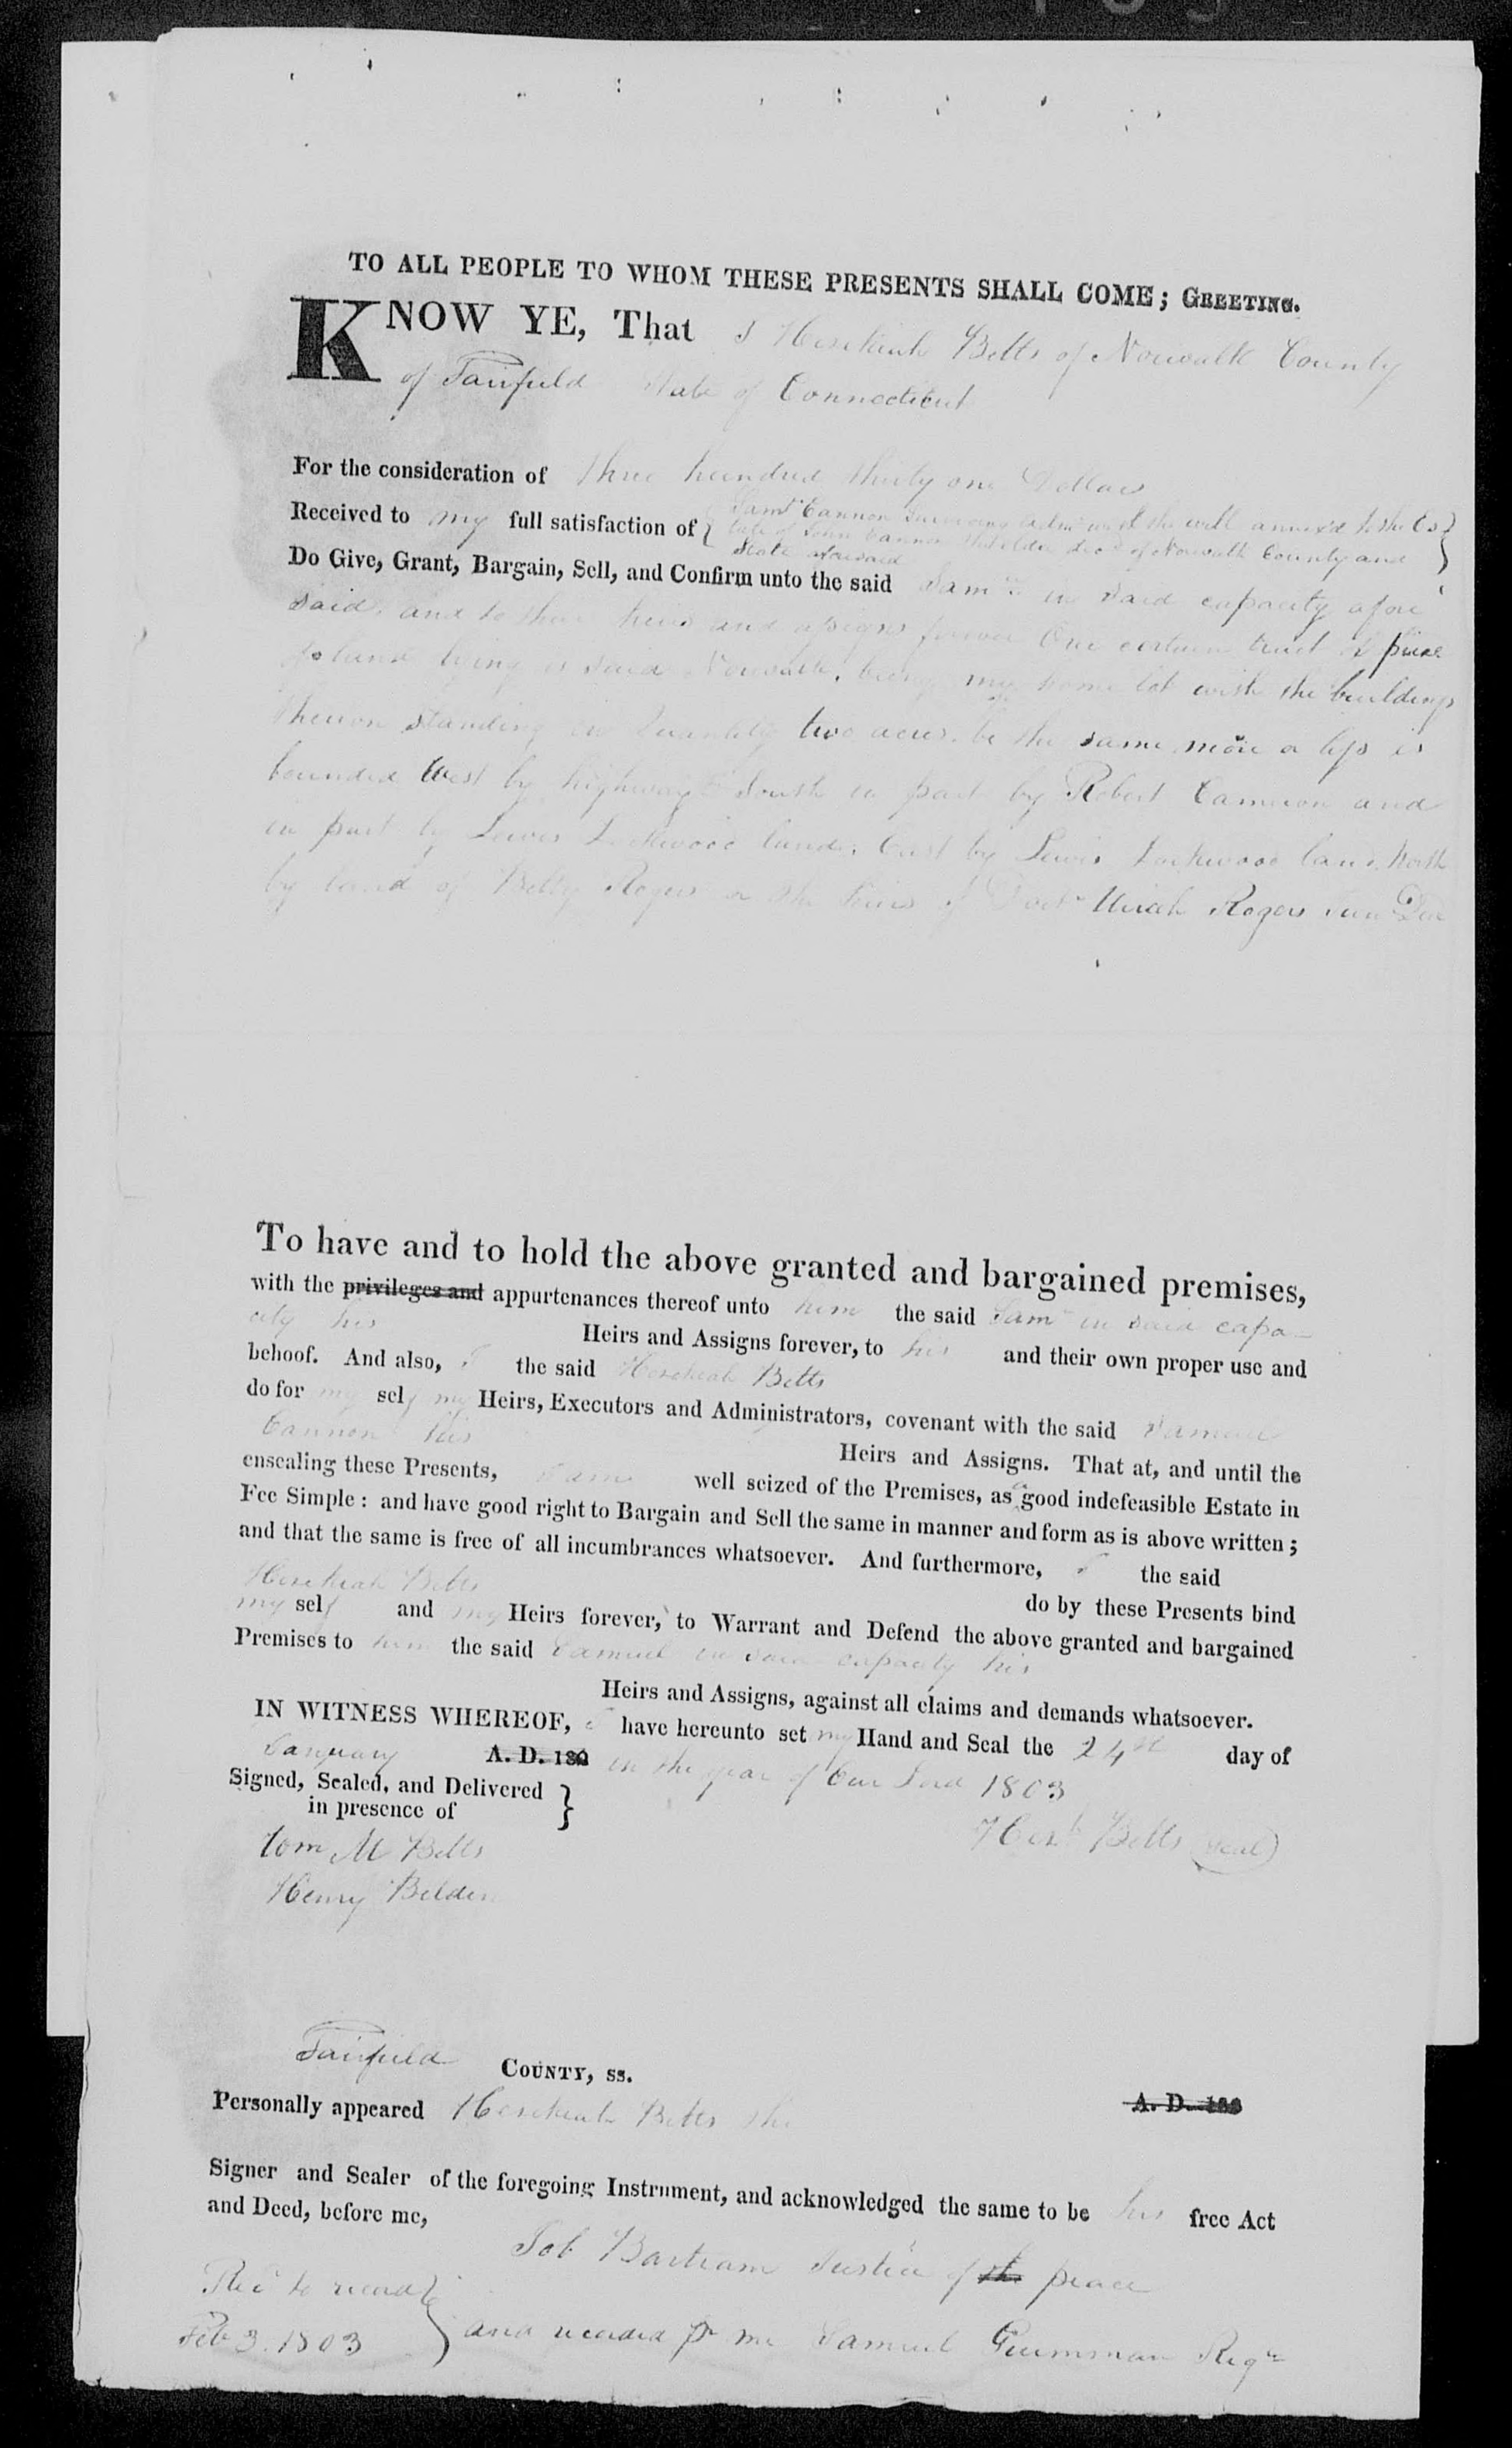TO ALL PEOPLE TO WHOM THESE PRESENTS SHALL COME; GREETING.
KNOW YE, That I Hezekiah Betts of Norwalk County of Fairfield State of Connecticut

For the consideration of Three hundred thirty one Dollars
Received to my full satisfaction of {Saml Cannon, Laverne (illegible) the will annexed to the Estate of John Cannon (illegible) decd of Norwalk County and State aforesaid}
Do Give, Grant, Bargain, Sell, and Confirm unto the said Saml in said capacity aforesaid and to the heirs and assigns forever One certain trust & parcel of land lying in said Norwalk, being my home lot with the buildings thereon standing in Quantity two acres. be the same more or less is bounded West by highway, South to part by Robert Cannon and in part by Lewis Lakewood's land. East by Lewis Lakewood land North by land of Betty Rogers or the heirs of Jack Uriah Rogers (illegible)

To have and to hold the above granted and bargained premises, with the appurtenances thereof unto him the said Sam in said capacity his Heirs and Assigns forever, to his and their own proper use and behoof. And also, I the said Hezekiah Betts do for myself my Heirs, Executors and Administrators, covenant with the said Samuel Cannon Heirs and Assigns. That at, and until the enscaling these Presents, I am well seized of the Premises, as a good indefeasible Estate in Fee Simple: and have good right to Bargain and Sell the same in manner and form as is above written; and that the same is free of all incumbrances whatsoever. And furthermore, I the said Hezekiah Betts do by these Presents bind myself and my Heirs forever, to Warrant and Defend the above granted and bargained Premises to him the said Samuel in said capacity his Heirs and Assigns, against all claims and demands whatsoever.
IN WITNESS WHEREOF, I have hereunto set my Hand and Seal the 24th day of January A.D. 18(illegible) in the year of our Lord 1803
Signed, Sealed, Delivered}
in presence of }
Wm M Betts
Henry Belden

Hezk Betts (seal)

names: Samuel, Hezh Betts, Hezekiah Betts, Samuel Cannon, James L Lewis, Robert Cameron, Henry Belden, Hezekiah Betts, Hezekiah Betts, Saml, Job Bartram, Uriah Rogers, Wm M Betts, Lewis, Hezekiah Betts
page: 33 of 61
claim: widow's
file: W. 29,929, Hezekiah Betts, Conn.